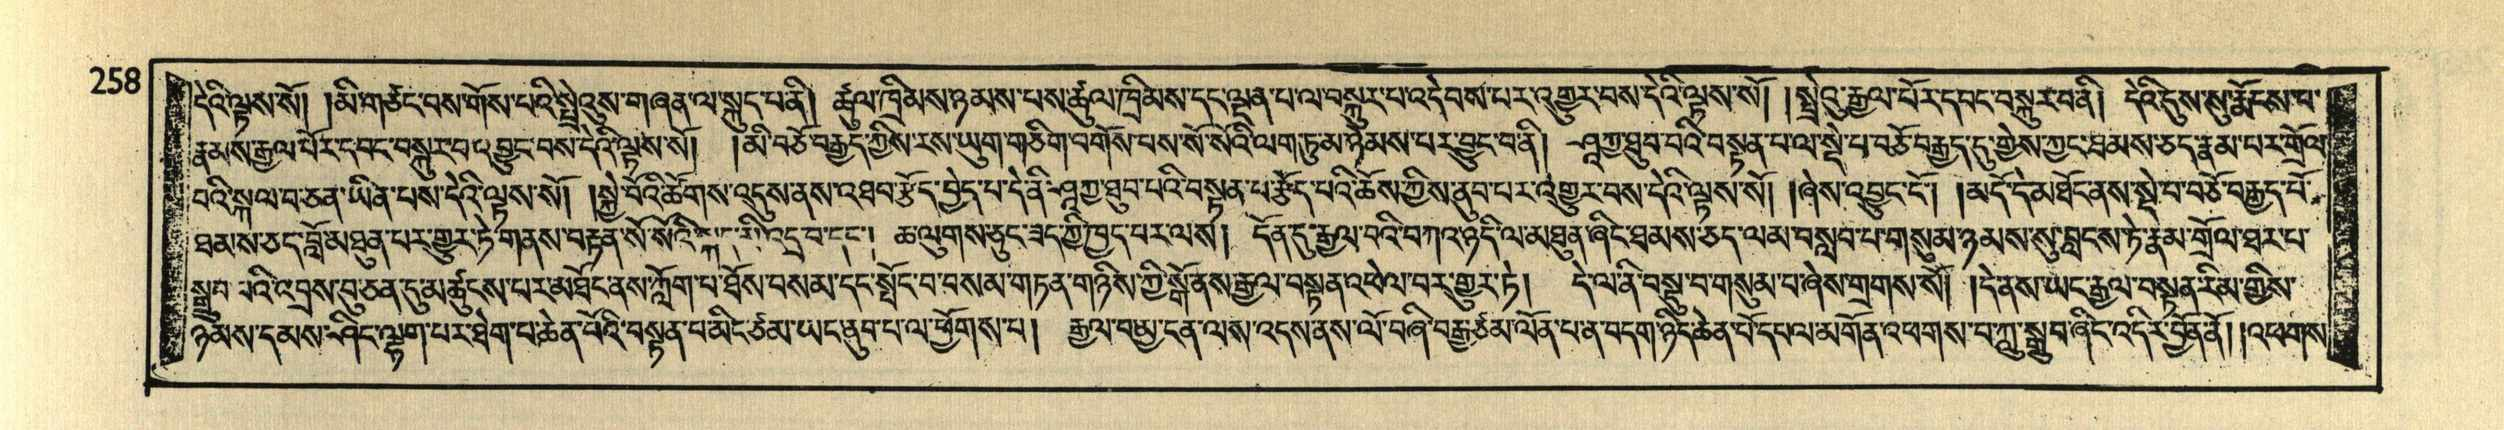དེའི་ལྟས་སོ། །མི་གཙང་བས་གོས་པའི་སྤྲེའུས་གཞན་ལ་སྐུད་པ་ནི། ཚུལ་ཁྲིམས་ཉམས་པས་ཚུལ་ཁྲིམས་དང་ལྡན་པ་ལ་བསྐུར་པ་འདེབས་པར་འགྱུར་བས་དེའི་ལྟས་སོ། །སྤྲེའུ་རྒྱལ་པོར་དབང་བསྐུར་བ་ནི། དེའི་དུས་སུ་རྨོངས་པ་
རྣམས་རྒྱལ་པོར་དབང་བསྐུར་བ་འབྱུང་བས་དེའི་ལྟས་སོ། །མི་བཅོ་བརྒྱད་ཀྱིས་རས་ཡུག་གཅིག་བགོས་པས་སོ་སོའི་ལག་ཏུ་མ་ཉམས་པར་བྱུང་བ་ནི། ཤཱཀྱ་ཐུབ་བའི་བསྟན་པ་ལ་སྡེ་པ་བཅོ་བརྒྱད་དུ་གྱེས་ཀྱང་ཐམས་ཅད་རྣམ་པར་གྲོལ་
བའི་སྐལ་བ་ཅན་ཡིན་པས་དེའི་ལྟས་སོ། །སྐྱེ་བོའི་ཚོགས་འདུས་ནས་འཐབ་རྩོད་བྱེད་པ་དེ་ནི་ཤཱཀྱ་ཐུབ་པའི་བསྟན་པ་རྩོད་པའི་ཆོས་ཀྱིས་ནུབ་པར་འགྱུར་བས་དེའི་ལྟས་སོ། །ཞེས་འབྱུང་ངོ། །མདོ་དེ་མཐོང་ནས་སྡེ་པ་བཅོ་བརྒྱད་པོ་
ཐམས་ཅད་བློ་མཐུན་པར་གྱུར་ཏེ་གནས་བརྟན་སོ་སོའི་སྐད་མི་འདྲ་བ་དང་། ཆ་ལུགས་ཅུང་ཟད་ཀྱི་ཁྱད་པར་ལས། དོན་དུ་རྒྱལ་བའི་བཀའ་ཉིད་ལ་མཐུན་ཞིང་ཐམས་ཅད་ལམ་བསླབ་པ་གསུམ་ཉམས་སུ་བླངས་ཏེ་རྣམ་གྲོལ་ཐར་པ་
སྒྲུབ་པའི་འབྲས་བུ་ཅན་དུ་མཚུངས་པར་མཐོང་ནས་ཀློག་པ་ཐོས་བསམ་དང་སྤོང་བ་བསམ་གཏན་གཉིས་ཀྱི་སྒོ་ནས་རྒྱལ་བསྟན་འཕེལ་བར་གྱུར་ཏེ། དེ་ལ་ནི་བསྡུ་བ་གསུམ་པ་ཞེས་གྲགས་སོ། །དེ་ནས་ཡང་རྒྱལ་བསྟན་རིམ་གྱིས་
ཉམས་དམས་ཤིང་ལྷག་པར་ཐེག་པ་ཆེན་པོའི་བསྟན་པ་མིང་ཙམ་ཡང་ནུབ་པ་ལ་ཕྱོགས་པ། རྒྱལ་བ་མྱ་ངན་ལས་འདས་ནས་ལོ་བཞི་བརྒྱ་ཙམ་ལོན་པ་ན་བདག་ཉིད་ཆེན་པོ་དཔལ་མགོན་འཕགས་པ་ཀླུ་སྒྲུབ་ཞིང་འདིར་བྱོན་ནོ། །འཕགས་